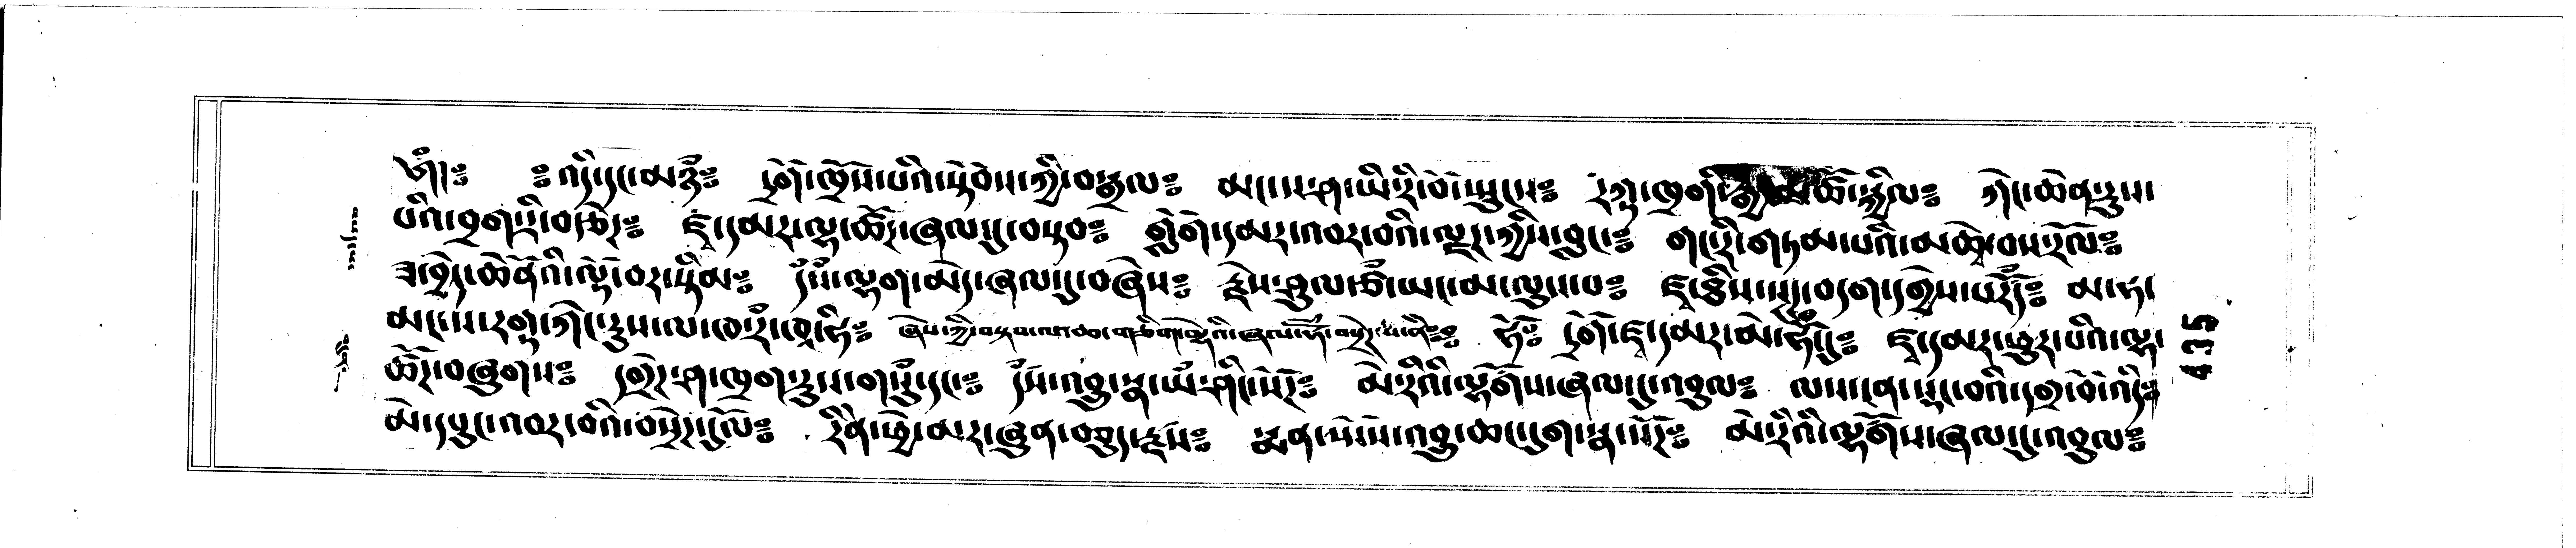༔འདི་དང་མཉམ༔དྲག་པོ་ཁྲོས་པའི་སྟོབས་ཀྱི་བསྒྲལ༔མང་ས་ཤ་ཡི་རི་བོ་སྤུངས༔རཀྟ་ཁྲག་གི་རྒྱ་མཚོ་སྐྱིལ༔ཀེང་ཆེན་རུས་
པའི་བྲག་རི་བརྩེགས༔ཛྭ་དམར་ལྷ་ཚོགས་ཞལ་དུ་བསྟབ༔གློག་དམར་འབར་བའི་ལྗགས་ཀྱིས་བླང༔གངས་རི་གཏམས་པའི་མཆྭེ་བས་རོལ༔
ཟ་བྱེད་ཆེན་པོའི་ལྟོ་བར་བསྟིམ༔དམ་ཉམས་ལྷག་མེད་ཞལ་དུ་བཞེས༔རྗེས་ཤུལ་ཙམ་ཡང་མ་ལུས་པ༔ཛྭ་ཐིས་སྔགས་བདག་དགྱེས་པར་མཛོད༔མ་ཧ་
མང་ས་རགྟ་ཀེང་རུས་ལ་ཁ་རཾ་ཁཱ་ཧི༔ཞེས་ཀྱིས་བསྟབ་ལ་ཆ་གཅིག་མེ་ལྷའི་ཞལ་ཧོཾ་བསྲེགས་པ་ནི༔༔ཧོ༔དྲག་པོ་ཛྭ་དམར་མེ་ཧོཾ་དུ༔ཛྭ་དམར་ཕུར་པའི་ལྷ་
ཚོགས་བཞུགས།དགྲ་བགེགས་ཤ་ཁྲག་རུས་གསུམ་དང༔དམ་ཉམས་འབྲུ་སྣ་ཡཾ་ཤིང་སོགས༔མེ་རིའི་ལྷ་ཚོགས་ཞལ་དུ་འབུལ༔ ལས་ངན་སྡང་བའི་དགྲ་བོ་འདི༔
མེ་དཔུང་འབར་བའི་བསྲེགས་དུ་གསོལ༔རིན་ཆེན་ཕྱེ་མར་ཞུན་བཅུད་རྫས༔སྨན་སྤོས་འབྲུ་ཆང་དུག་སྣ་སོགས༔མེ་རིའི་ལྷ་ཚོགས་ཞལ་དུ་འབུལ༔